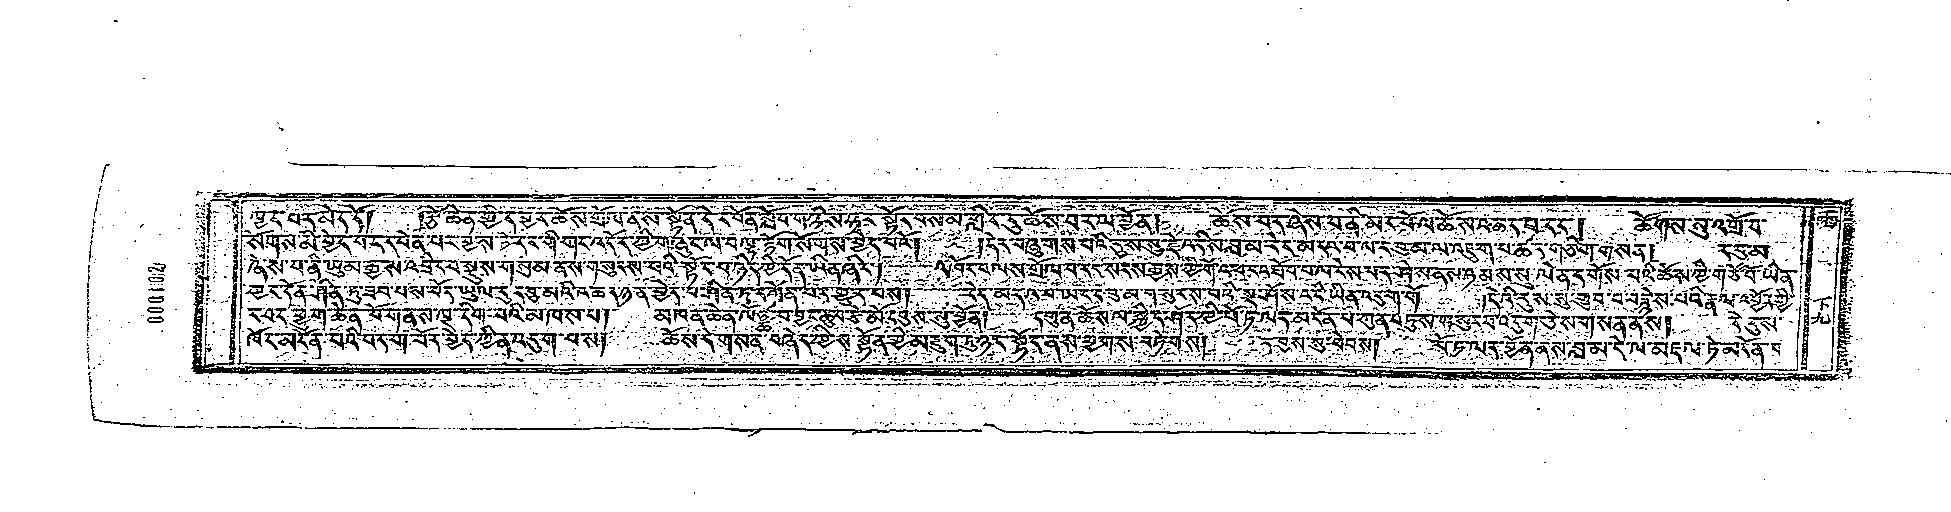ཁྱད་པར་མེད་དོ། །རྩེ་ཆེན་གྱི་དབྱར་ཆོས་གྲོལ་ནས་སྟོན་དེ་དཔོན་སློབ་གཉིས་ཉང་སྟོང་བསམ་གླིང་དུ་ཆོས་བར་ལ་བྱོན། ཆོས་བར་ཞེས་པ་ནི་མང་པོ་ལ་ཆོས་འཆད་པ་དང་། ཚོགས་སུ་འགྲོ་བ་
སོགས་མི་བྱེད་པར་དབེན་པར་བྱས་ཏེ་རང་གི་གང་འདོད་ཀྱི་གཞུང་ལ་བལྟ་རྟོག་སོགས་བྱེད་པའོ། །དེར་བཞུགས་པའི་དུས་སུ་རྗེ་འདིས་བླ་མ་རེད་མདའ་བ་ལ་དབུ་མ་ལ་འཇུག་པ་ཚར་གཅིག་གསན། དབུ་མ་
ཞེས་པ་ནི་ཡུམ་རྒྱས་འབྲིང་བསྡུས་གསུམ་ནས་གསུངས་པའི་སྟོང་པ་ཉིད་ཀྱི་དོན་ཡིན་ཞིང་། འཁོར་བ་ལས་གྲོལ་བ་དང་སངས་རྒྱས་ཀྱི་གོ་འཕང་འཐོབ་པ་ལ་ངེས་པར་ཤེས་ནས་ཉམས་སུ་ལེན་དགོས་པའི་ཆོས་ཀྱི་གཙོ་བོ་ཡིན་
ཀྱང་དོན་ཤིན་ཏུ་ཟབ་པས་བོད་ཡུལ་དུ་དབུ་མའི་འཆད་ཉན་བྱེད་པ་ཤིན་ཏུ་དཀོན་པར་གྱུར་པས། རེད་མདའ་བ་ཡང་དབུ་མ་གསུངས་པའི་སྔ་ཤོས་འདི་ཡིན་འདུག་གོ །དེའི་དུས་སུ་ཐུབ་བ་བརྙེས་པའི་རྣལ་འབྱོར་གྱི་
དབང་ཕྱུག་ཆེན་པོ་གནས་ལྔ་རིག་པའི་མཁས་པ། མཁན་ཆེན་ལོ་ཙྪ་བ་བྱང་ཆུབ་རྩེ་མོ་དབུས་སུ་བྱོན། དགུན་ཆོས་ལ་སྐྱིད་ཤོད་ཀྱི་པོ་ཏ་ལར་མངོན་པ་ཀུན་བཏུས་གསུང་བ་འདུག་ཅེས་གསན་ནས། དེ་དུས་
ཁོང་མངོན་པའི་བདག་པོར་བྱེད་ཀྱིན་འདུག་པས། ཆོས་དེ་གསན་བཞེད་ཀྱིས་སྟོན་གྱི་མཇུག་ཏུ་ཉང་སྟོད་ནས་ཕྱགས་བཏེགས། དབུས་སུ་ཕེབས། པོ་ཏ་ལར་བྱོན་ནས་བླ་མ་དེ་ལ་མཇལ་ཏེ་མངོན་བ་